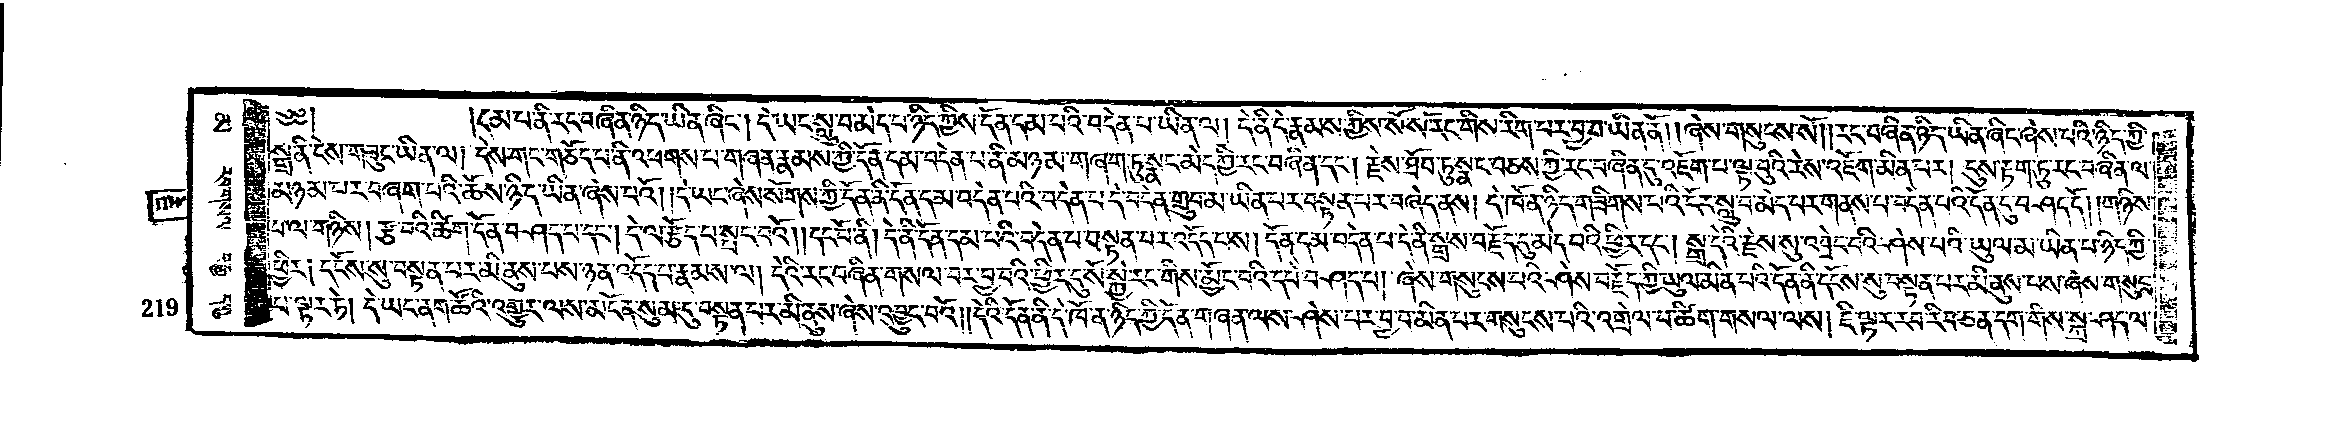༄༅། །དམ་པ་ནི་རང་བཞིན་ཉིད་ཡིན་ཞིང་། དེ་ཡང་སླུ་བ་མེད་པ་ཉིད་ཀྱིས་དོན་དམ་པའི་བདེན་པ་ཡིན་ལ། དེ་ནི་དེ་རྣམས་ཀྱིས་སོ་སོ་རང་གིས་རིག་པར་བྱ་བ་ཡིན་ནོ། །ཞེས་གསུངས་སོ། །རང་བཞིན་ཉིད་ཡིན་ཞིང་ཞེས་པའི་ཉིད་ཀྱི་
སྒྲ་ནི་ངེས་གཟུང་ཡིན་ལ། དེས་གང་གཅོད་པ་ནི་འཕགས་པ་གཞན་རྣམས་ཀྱི་དོན་དམ་བདེན་པ་ནི་མཉམ་གཞག་ཏུ་སྣང་མེད་ཀྱི་རང་བཞིན་དང་། རྗེས་ཐོབ་ཏུ་སྣང་བཅས་ཀྱི་རང་བཞིན་དུ་འཇོག་པ་ལྟ་བུའི་རེས་འཇོག་མིན་པར། དུས་རྟག་ཏུ་རང་བཞིན་ལ་
མཉམ་པར་བཞག་པའི་ཆོས་ཉིད་ཡིན་ཞེས་པའོ། །དེ་ཡང་ཞེས་སོགས་ཀྱི་དོན་ནི་དོན་དམ་བདེན་པའི་བདེན་པ་དེ་བདེན་གྲུབ་མ་ཡིན་པར་བསྟན་པར་བཞེད་ནས། དེ་ཁོ་ན་ཉིད་གཟིགས་པའི་ངོར་སླུ་བ་མེད་པར་གནས་པ་བདེན་པའི་དོན་དུ་བཤད་དོ། །གཉིས་
པ་ལ་གཉིས། རྩ་བའི་ཚིག་དོན་བཤད་པ་དང་། དེ་ལ་རྩོད་པ་སྤང་བའོ། །དང་པོ་ནི། དེ་ནི་དོན་དམ་པའི་བདེན་པ་བསྟན་པར་འདོད་པས། དོན་དམ་བདེན་པ་དེ་ནི་སྒྲས་བརྗོད་དུ་མེད་པའི་ཕྱིར་དང་། སྒྲ་དེའི་རྗེས་སུ་འབྲང་བའི་ཤེས་པའི་ཡུལ་མ་ཡིན་པ་ཉིད་ཀྱི་
ཕྱིར། དངོས་སུ་བསྟན་པར་མི་ནུས་པས་ཉན་འདོད་པ་རྣམས་ལ་དེའི་རང་བཞིན་གསལ་བར་བྱ་བའི་ཕྱིར་དུ་སོ་སྐྱེ་རང་གིས་མྱོང་བའི་དཔེ་བཤད་པ། ཞེས་གསུངས་པའི་ཤེས་བརྗོད་ཀྱི་ཡུལ་མིན་པའི་དོན་ནི་དངོས་སུ་བསྟན་པར་མི་ནུས་པས་ཞེས་གསུངས་
པ་ལྟར་ཏེ། དེ་ཡང་ནག་ཚོའི་འགྱུར་ལས་མངོན་སུམ་དུ་བསྟན་པར་མི་ནུས་ཞེས་འབྱུང་བའོ། །དེའི་དོན་ནི་དེ་ཁོ་ན་ཉིད་ཀྱི་དོན་གཞན་ལས་ཤེས་པར་བྱ་བ་མིན་པར་གསུངས་པའི་འགྲེལ་པ་ཚིག་གསལ་ལས། ཇི་ལྟར་རབ་རིབ་ཅན་དག་གིས་སྐྲ་ཤད་ལ་